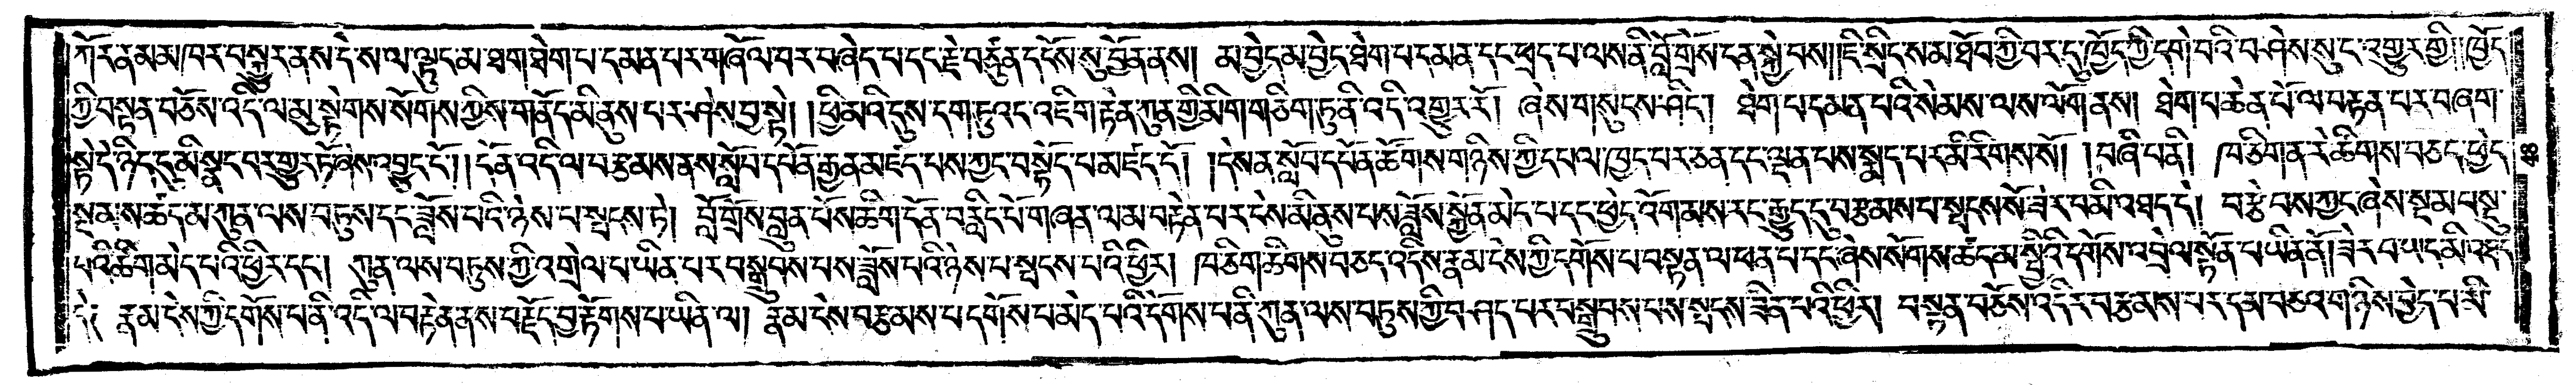ཀོར་ནམ་མཁར་བསྐྱུར་ནས་དེ་ས་ལ་ལྟུང་མ་ཐག་ཐེག་པ་དམན་པར་གཞོལ་བར་བཞེད་པ་དང་རྗེ་བཙུན་དངོས་སུ་བྱོན་ནས། མ་བྱེད་མ་བྱེད་ཐེག་པ་དམན་དང་ཕྲད་པ་ལས་ནི་བློ་གྲོས་ངན་སྐྱེ་བས། །ཇི་སྲིད་ས་མ་ཐོབ་ཀྱི་བར་དུ་ཁྱོད་ཀྱི་དགེ་བའི་བཤེས་སུ་ང་འགྱུར་གྱི། །ཁྱོད་
ཀྱི་བསྟན་བཅོས་འདི་ལ་མུ་སྟེགས་སོགས་ཀྱིས་གནོད་མི་ནུས་པར་ཤེས་བྱ་སྟེ། །ཕྱི་མའི་དུས་དག་ཏུའང་འཇིག་རྟེན་ཀུན་གྱི་མིག་གཅིག་ཏུ་ནི་འདི་འགྱུར་རོ། ཞེས་གསུངས་ཤིང་། ཐེག་པ་དམན་པའི་སེམས་ལས་ལོག་ནས། ཐེག་པ་ཆེན་པོ་ལ་བརྟན་པར་བཞག་
སྟེ་དེ་ཉིད་དུ་མི་སྣང་བར་གྱུར་ཏོ་ཞེས་འབྱུང་ངོ། །དོན་འདི་ལ་བརྩམས་ནས་སློབ་དཔོན་རྒྱན་མཛད་པས་ཀྱང་བསྟོད་པ་མཛད་དོ། །དེས་ན་སློབ་དཔོན་ཚོགས་གཉིས་ཀྱི་དཔལ་ཁྱད་པར་ཅན་དང་ལྡན་པས་སྨད་པར་མི་རིགས་སོ། །བཞི་པ་ནི། ཁ་ཅིག་ན་རེ་ཚིགས་བཅད་ཕྱེད་
སྔ་མས་ཚད་མ་ཀུན་ལས་བཏུས་དང་ཟློས་པའི་ཉེས་པ་སྤངས་ཏེ། བློ་གྲོས་བླུན་པོས་ཚིག་དོན་བརླིང་པོ་གཞན་ལ་མ་བརྟེན་པར་ངེས་མི་ནུས་པས་ཟློས་སྐྱོན་མེད་པ་དང་ཕྱེད་འོག་མས་རང་རྒྱུད་དུ་བརྩམས་པ་སྤངས་སོ་ཟེར་བ་མི་འཐད་དེ། བརྩེ་བས་ཀྱང་ཞེས་སྔ་མ་བསྡུ་
བའི་ཚིག་མེད་པའི་ཕྱིར་དང་། ཀུན་ལས་བཏུས་ཀྱི་འགྲེལ་པ་ཡིན་པར་བསྒྲུབས་པས་ཟློས་པའི་ཉེས་པ་སྤངས་པའི་ཕྱིར། ཁ་ཅིག་ཚིགས་བཅད་འདིས་རྣམ་ངེས་ཀྱི་དགོས་པ་བསྟན་ལ་ཕན་པ་དང་ཞེས་སོགས་ཚད་མ་སྤྱིའི་དགོས་འབྲེལ་སྟོན་པ་ཡིན་ནོ། ཟེར་བ་ཡང་མི་འཐད་
དེ། རྣམ་ངེས་ཀྱི་དགོས་པ་ནི་འདི་ལ་བརྟེན་ནས་བརྗོད་བྱ་རྟོགས་པ་ཡིན་ལ། རྣམ་ངེས་བརྩམས་པ་དགོས་པ་མེད་པའི་དོགས་པ་ནི་ཀུན་ལས་བཏུས་ཀྱི་བཤད་པར་བསྒྲུབས་པས་སྤངས་ཟིན་པའི་ཕྱིར། བསྟན་བཅོས་འདིར་བརྩམས་པར་དམ་བཅའ་གཉིས་བྱེད་པ་མི་